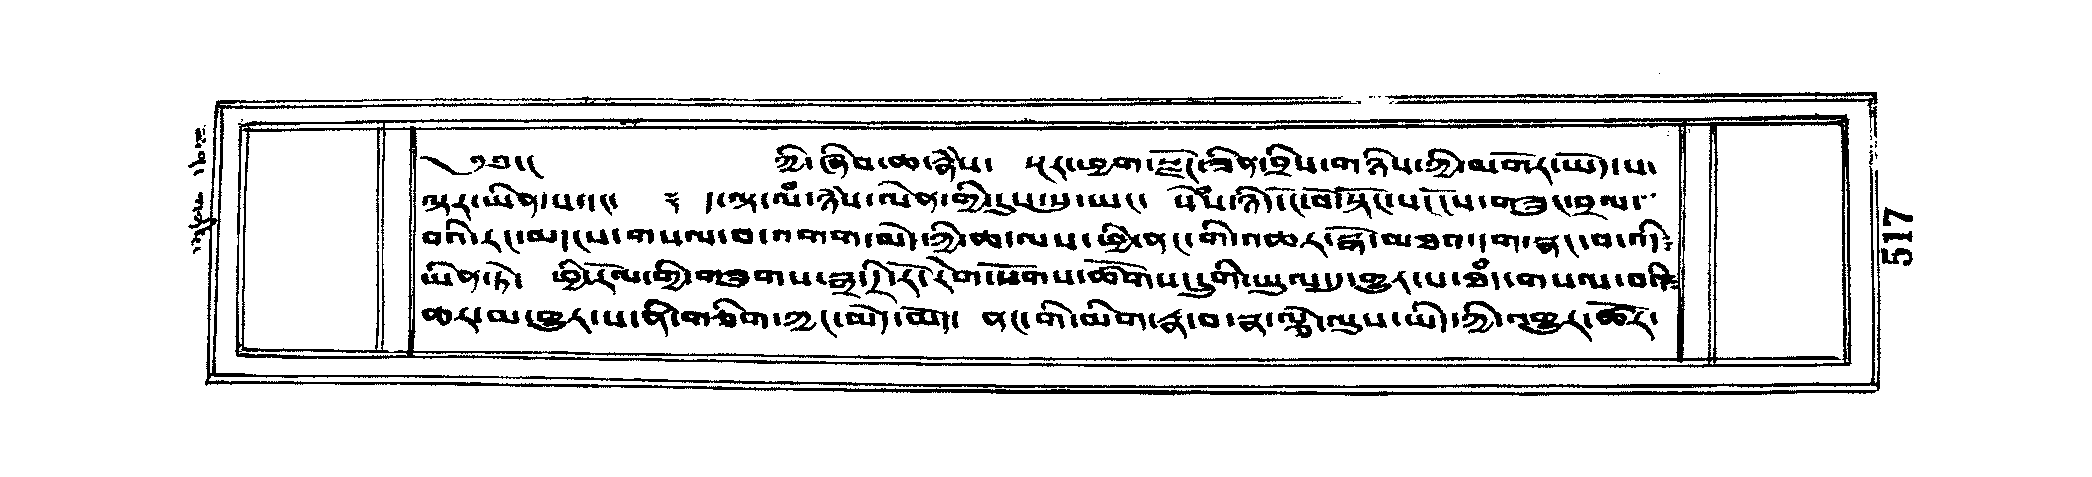ཀྱི་ཞིབ་ཆ་རྣམས། སྔར་ཕྱག་རྫོགས་ཟིན་བྲིས་གཉིས་ཀྱི་འགོར་ཡོད་པ་
ལྟར་ཡིན་པ་དང་། ད་ལྟ་ལམ་ཉམས་ལེན་གྱི་དུས་སུ་ཡང་། སེམས་ཉིད་ངོ་བོ་སྟོང་པ་ངོས་བཟུང་བྲལ་
བའི་རང་མདངས་གསལ་བ་འགག་མེད་ཀྱི་ཆ་ལས་ཕྱི་ནང་གི་འཆར་སྒོ་མཐའ་དག་སྣང་བ་འདི་
ཡིན་ཏེ། ཕྱི་རོལ་གྱི་གཟུགས་སྒྲ་དྲི་རོ་རེག་སོགས་ཚོགས་དྲུག་གི་ཡུལ་དུ་གྱུར་པ་ཐམས་ཅད་གསལ་བའི་
ཆར་མ་གྱུར་པ་ནི་གཅིག་ཀྱང་མེད་མོད། ནང་གི་མིག་རྣ་བ་སྣ་ལྕེ་ལུས་ཡིད་ཀྱི་འགྱུར་ཚོར་